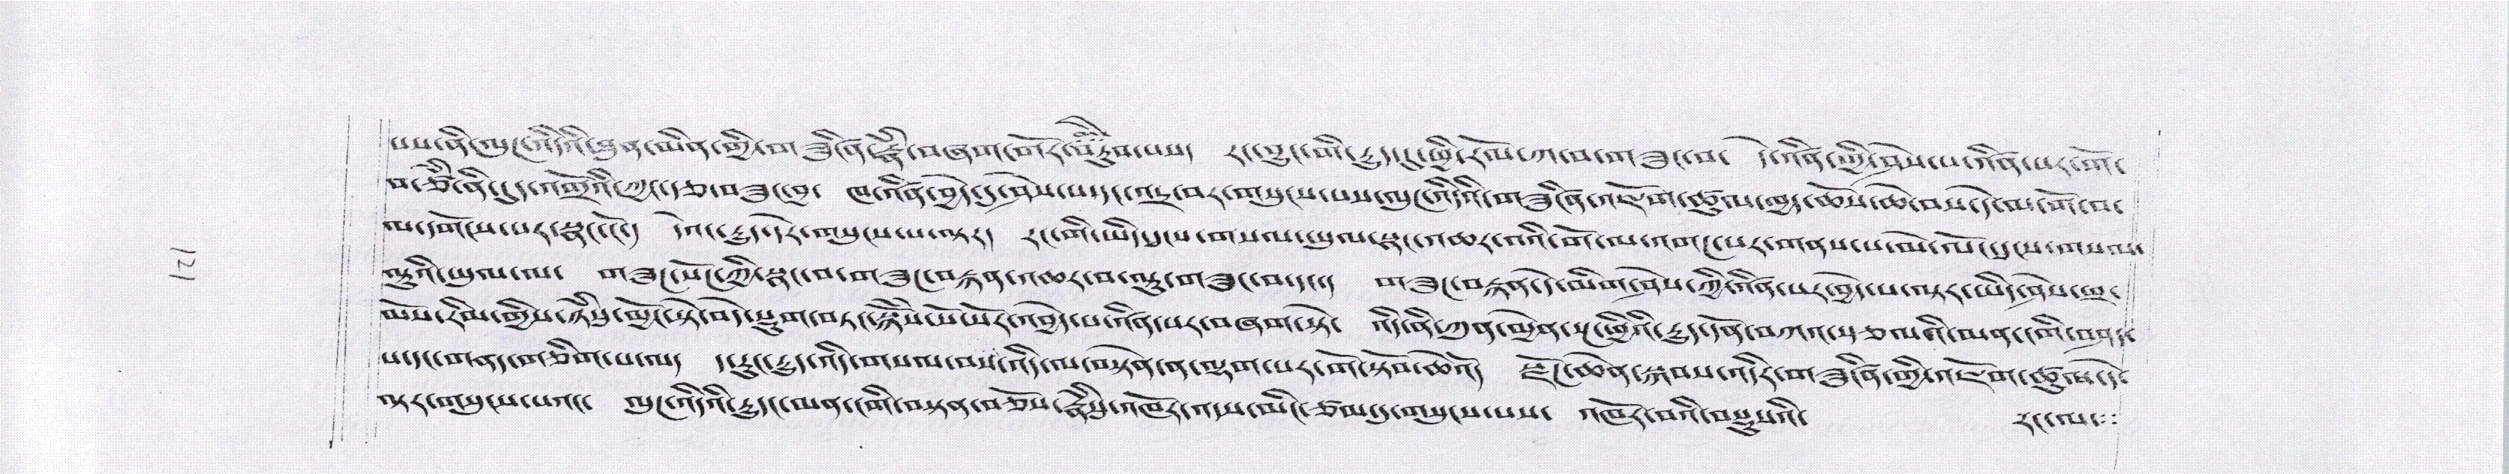པས་ནི་ལུགས་འདིའི་ཐུན་མིན་གྱི་རྣམ་གཞག་གོར་མི་བཏུབ་པས། རང་བྱུང་གི་རྒྱུད་དུ་ཕྱི་རོལ་གྱི་ཀ་བ་གཟུང་བ། དེ་འཛིན་གྱི་ཤེས་པ་འཛིན་པར་གོ་
བ་ཙམ་ནི་དུད་འགྲོས་ཀྱང་རྩྭ་གཟུང་བྱ། ཁ་འཛིན་བྱེད་དུ་ཤེས་པ་དང་འདྲ་བར་གསུངས་པས་ལུགས་འདིའི་གཟུང་འཛིན་འཇོག་ཚུལ་ཁྱད་ཆོས་ཆེ་བས་དེ་མ་གོ་བ་
ལ་དགོངས་པར་སྣང་ངོ་། དེའང་རྒྱུད་དེར་གསུངས་པ་ལྟར། རང་གི་ཡིད་དྭངས་གསལ་ཡུལ་སྣང་འཆར་བའི་གོ་མ་འགགས་པར་གནས་པ་མེ་ལོང་དྭངས་གསལ་
ལྟ་བུའི་ཡུལ་ལ། གཟུགས་སོགས་ཀྱི་སྣང་བ་གཟུང་བརྙན་འཆར་བ་ལྟ་བུ་གཟུང་བ་དང་། གཟུགས་བརྙན་དེ་མིག་ཤེས་ཀྱིས་འཛིན་པར་བྱེད་པ་ལྟར་ཡིད་ཤེས་ཕྲ་
མོས་རིམ་གྱིས་ཉམས་སུ་མྱོང་སྟེ་བདེ་སྡུག་བཏང་སྙོམས་སོ་སོར་འབྱེད་པ་འཛིན་པར་བཞག་སྟེ། འདི་ནི་ཀུན་མཁྱེན་སྔ་ཕྱིའི་རྒྱུད་དོན་བཀའ་སྩལ་པའི་མན་ངག་གི་བཤད་
པ་དང་གནད་གཅིག་པ་ལ། ད་རུང་རྒྱུད་འདི་གསལ་བས་འདི་ལ་བསྟེན་ན་ལྷག་པར་གོ་སྟོབས་ཆེའོ། རྫོགས་ཆེན་གྱི་སྐབས་འདིར་གཟུང་འཛིན་གྱི་འཇོག་ཚུལ་དེ་
ལྟར་གསུངས་པའང་། ལུགས་འདིའི་རྒྱུད་མན་ངག་གི་བསྟན་བཅོས་རྣམས་སུ་འཁོར་འདས་མིང་ཙམ་དུ་གསུངས་པས། འཁོར་བའི་བསྡུས་པའི་རང་ལ་